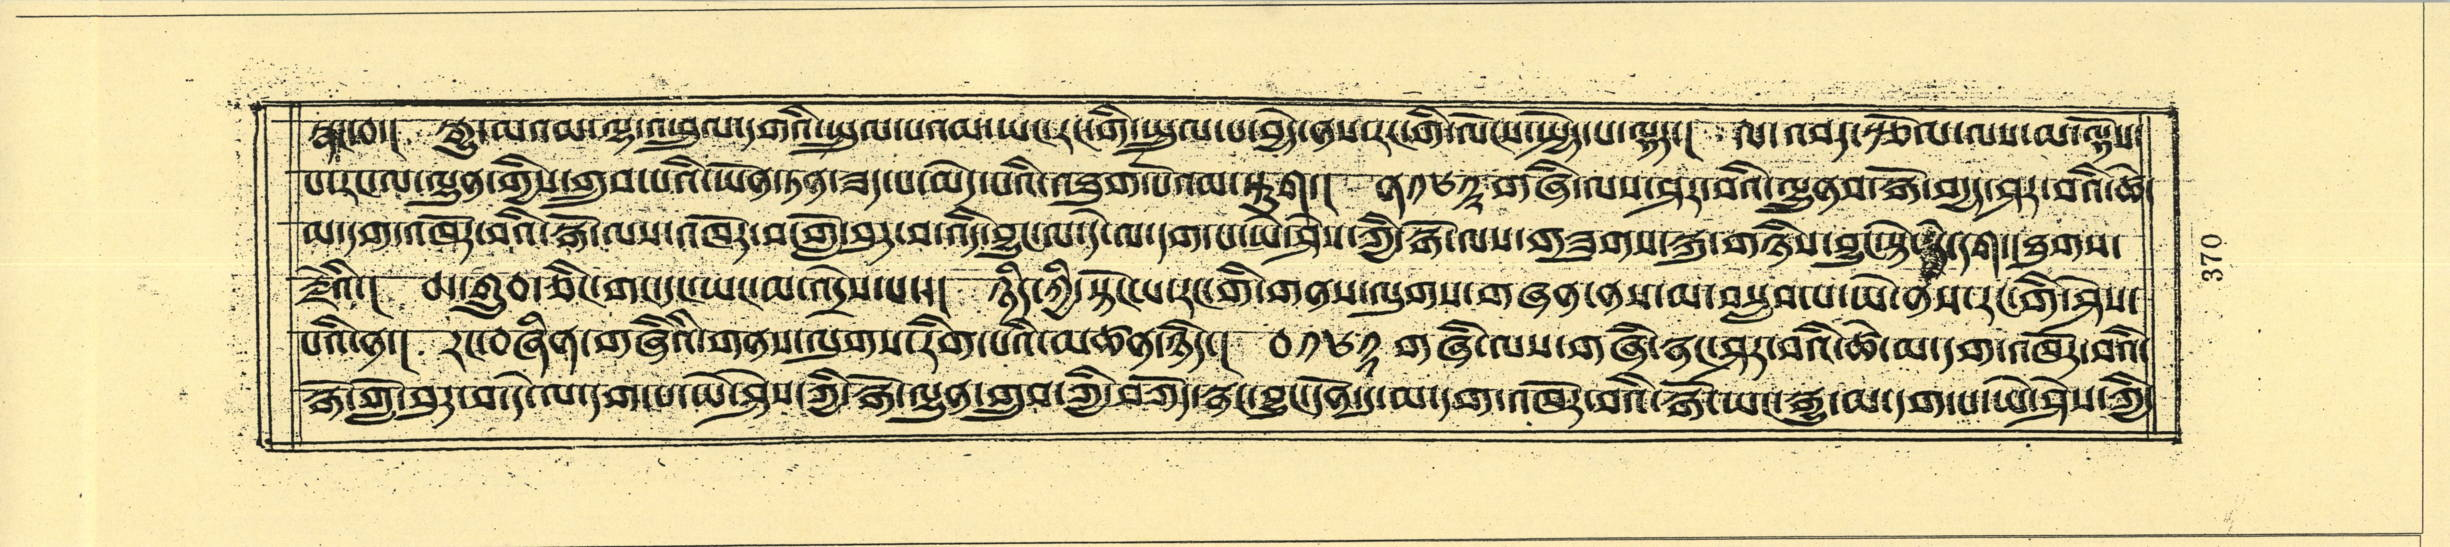༼སྣང་བ།༽ ༼སྒྱུ་༽མ་འམ་ལྷ་འཕྲུལ་དགའི་སྤྲུལ་པ་འམ་ཡང་རང་གི་སྤྲུལ་པ་བྱེད་ནས་རང་གི་ལོངས་སྤྱོད་པ་ལྟར། ༼ལ་༽འབད་སྩོལ་ལས་མ་ལྟོས་
པ་རང་ལ་ལྷུན་གྱིས་གྲུབ་པའི་ཡོན་ཏན་ཟད་པ་མེད་པའི་འཐུག་པོ་འམ་ ༼སྟུག།༽ན༡༦༡།༢ གཞི་ལས་ཤར་བའི་ལྷུན་གྲུབ་སྒོ་བརྒྱད་ཤར་བའི་ཚེ་
མ་དག་འཁོར་བའི་སྒོ་ལས་འཁོར་བ་གློ་བུར་བ་འདི་བྱུང་ལ་དེ་ལ་དག་པ་ཡེ་ཤེས་ཀྱི་སྒོ་ལས་གཟུགས་སྐུ་གཉིས་བྱུང་སྟེ་ ༼དེ་དག༽ཐུགས་
རྗེའི་མ་གྲུབ་ཅིང་གང་དང་ཡང་མ་འདྲེས་ ༼པས།༽ ༼ཉིད་ཀྱི་༽སྟོང་པ་རང་གི་གནས་ལུགས་གཞན་ནས་མ་བསླབ་པ་ཡེ་ནས་རང་གི་ཤེས་
པའི་ན། ༼རང་བཞིན་༽གཞིའི་གནས་ལུགས་རིག་པའི་མཚན་ཉིད། བ༡༦༡།༡ གཞི་ལས་གཞི་སྣང་ཤར་བའི་ཚེ་མ་དག་འཁོར་བའི་
སྒོ་གློ་བུར་བ་དེ་ལ་དག་པ་ཡེ་ཤེས་ཀྱི་སྒོ་ལྷུན་གྲུབ་ཀྱི་བཀོད་སྣང་བྱུང་དོན་དུ་མ་དག་འཁོར་བའི་སྒོ་ཡང་སྒྱུ་མ་དག་པ་ཡེ་ཤེས་ཀྱི་